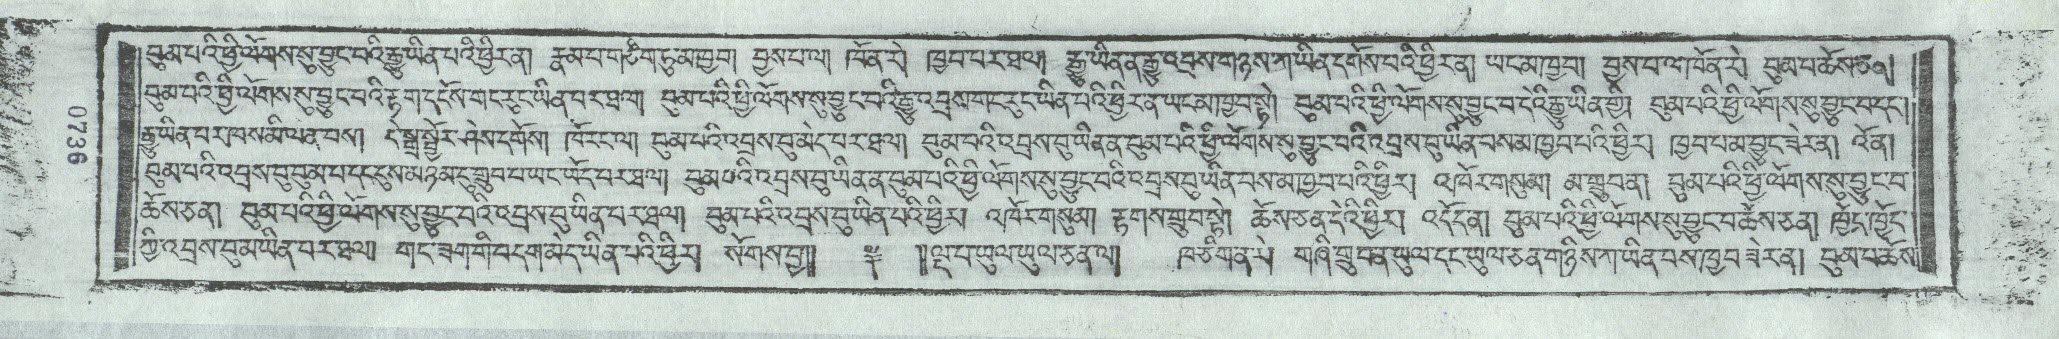བུམ་པའི་ཕྱི་ལོགས་སུ་བྱུང་བའི་རྒྱུ་ཡིན་པའི་ཕྱིར་ན། རྣམ་པ་གཅིག་ཏུ་མ་ཁྱབ། བྱས་པ་ལ། ཁོ་ན་རེ། ཁྱབ་པར་ཐལ། རྒྱུ་ཡིན་ན་རྒྱུ་འབྲས་གཉིས་ཀ་ཡིན་དགོས་པའི་ཕྱིར་ན། ཡང་མ་ཁྱབ། བྱས་པ་ལ་ཁོ་ན་རེ། བུམ་པ་ཆོས་ཅན།
བུམ་པའི་ཕྱི་ལོགས་སུ་བྱུང་བའི་རྟག་དངོས་གང་རུང་ཡིན་པར་ཐལ། བུམ་པའི་ཕྱི་ལོགས་སུ་བྱུང་བའི་རྒྱུ་འབྲས་གང་རུང་ཡིན་པའི་ཕྱིར་ན་ཡང་མ་ཁྱབ་སྟེ། བུམ་པའི་ཕྱི་ལོགས་སུ་བྱུང་བ་དེའི་རྒྱུ་ཡིན་གྱི། བུམ་པའི་ཕྱི་ལོགས་སུ་བྱུང་བ་དང་།
རྒྱུ་ཡིན་པར་ཁས་མི་ལེན་པས། དེ་སྒྲ་སྦྱོར་ཤེས་དགོས། ཁོ་རང་ལ། བུམ་པའི་འབྲས་བུ་མེད་པར་ཐལ། བུམ་པའི་འབྲས་བུ་ཡིན་ན་བུམ་པའི་ཕྱི་ལོགས་སུ་བྱུང་བའི་འབྲས་བུ་ཡིན་པས་མ་ཁྱབ་པའི་ཕྱིར། ཁྱབ་པ་མ་བྱུང་ཟེར་ན། འོ་ན།
བུམ་པའི་འབྲས་བུ་བུམ་པ་དང་དུས་མཉམ་དུ་གྲུབ་པ་ཡང་ཡོད་པར་ཐལ། བུམ་པའི་འབྲས་བུ་ཡིན་ན་བུམ་པའི་ཕྱི་ལོགས་སུ་བྱུང་བའི་འབྲས་བུ་ཡིན་པས་མ་ཁྱབ་པའི་ཕྱིར། འཁོར་གསུམ། མ་གྲུབ་ན། བུམ་པའི་ཕྱི་ལོགས་སུ་བྱུང་བ་
ཆོས་ཅན། བུམ་པའི་ཕྱི་ལོགས་སུ་བྱུང་བའི་འབྲས་བུ་ཡིན་པར་ཐལ། བུམ་པའི་འབྲས་བུ་ཡིན་པའི་ཕྱིར། འཁོར་གསུམ། རྟགས་གྲུབ་སྟེ། ཆོས་ཅན་དེའི་ཕྱིར། འདོད་ན། བུམ་པའི་ཕྱི་ལོགས་སུ་བྱུང་བ་ཆོས་ཅན། ཁྱོད་ཁྱོད་
ཀྱི་འབྲས་བུ་མ་ཡིན་པར་ཐལ། གང་ཟག་གི་བདག་མེད་ཡིན་པའི་ཕྱིར། སོགས་བྱ།། ༈ །།ལྔ་པ་ཡུལ་ཡུལ་ཅན་ལ། ཁ་ཅིག་ན་རེ། གཞི་གྲུབ་ན་ཡུལ་དང་ཡུལ་ཅན་གཉིས་ཀ་ཡིན་པས་ཁྱབ་ཟེར་ན། བུམ་པ་ཆོས་